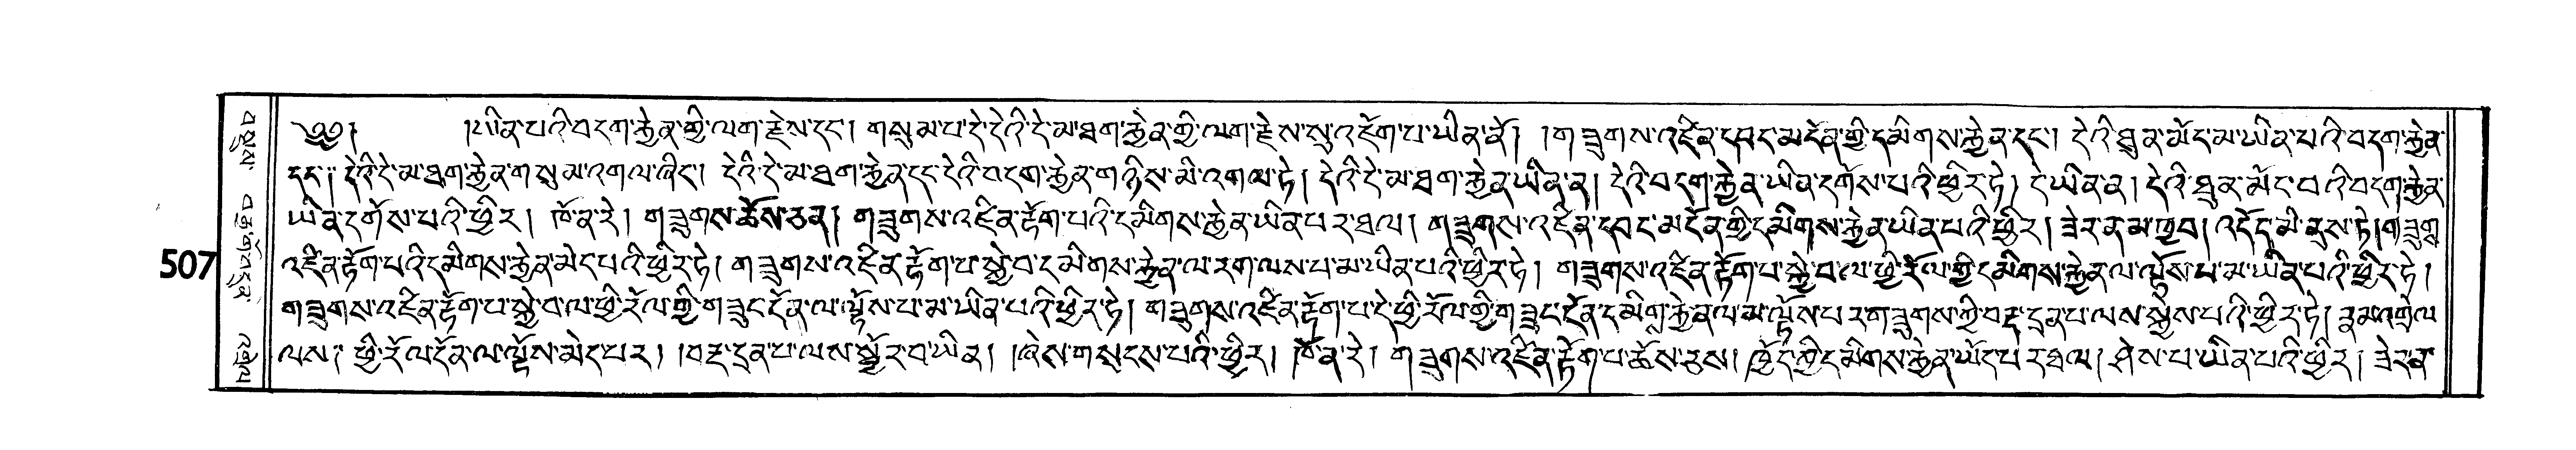༄༅། །ཡིན་པའི་བདག་རྐྱེན་གྱི་ལག་རྗེས་དང་། གསུམ་པ་དེ་དེའི་དེ་མ་ཐག་རྐྱེན་གྱི་ལག་རྗེས་སུ་འཇོག་པ་ཡིན་ནོ། །གཟུགས་འཛིན་དབང་མངོན་གྱི་དམིགས་རྐྱེན་དང་། དེའི་ཐུན་མོང་མ་ཡིན་པའི་བདག་རྐྱེན་
དང༑ དེའི་དེ་མ་ཐག་རྐྱེན་གསུམ་འགལ་ཞིང་། དེའི་དེ་མ་ཐག་རྐྱེན་དང་དེའི་བདག་རྐྱེན་གཉིས་མི་འགལ་ཏེ། དེའི་དེ་མ་ཐག་རྐྱེན་ཡིན་ན། དེའི་བདག་རྐྱེན་ཡིན་དགོས་པའི་ཕྱིར་ཏེ། དེ་ཡིན་ན། དེའི་ཐུན་མོང་བའི་བདག་རྐྱེན་
ཡིན་དགོས་པའི་ཕྱིར། ཁོ་ན་རེ། གཟུགས་ཆོས་ཅན། གཟུགས་འཛིན་རྟོག་པའི་དམིགས་རྐྱེན་ཡིན་པར་ཐལ། གཟུགས་འཛིན་དབང་མངོན་གྱི་དམིགས་རྐྱེན་ཡིན་པའི་ཕྱིར། ཟེར་ན་མ་ཁྱབ། འདོད་མི་ནུས་ཏེ། གཟུགས་
འཛིན་རྟོག་པའི་དམིགས་རྐྱེན་མེད་པའི་ཕྱིར་ཏེ། གཟུགས་འཛིན་རྟོག་པ་སྐྱེ་བ་དམིགས་རྐྱེན་ལ་རག་ལས་པ་མ་ཡིན་པའི་ཕྱིར་ཏེ། གཟུགས་འཛིན་རྟོག་པ་སྐྱེ་བ་ལ་ཕྱི་རོལ་གྱི་དམིགས་རྐྱེན་ལ་ལྟོས་པ་མ་ཡིན་པའི་ཕྱིར་ཏེ།
གཟུགས་འཛིན་རྟོག་པ་སྐྱེ་བ་ལ་ཕྱི་རོལ་གྱི་གཟུང་དོན་ལ་ལྟོས་པ་མ་ཡིན་པའི་ཕྱིར་ཏེ། གཟུགས་འཛིན་རྟོག་པ་དེ་ཕྱི་རོལ་གྱི་གཟུང་དོན་དམིགས་རྐྱེན་ལ་མ་ལྟོས་པར་གཟུགས་ཀྱི་བརྡ་དྲན་པ་ལས་སྐྱེས་པའི་ཕྱིར་ཏེ། རྣམ་འགྲེལ་
ལས༑ ཕྱི་རོལ་དོན་ལ་ལྟོས་མེད་པར། །བརྡ་དྲན་པ་ལས་སྦྱོར་བ་ཡིན། །ཞེས་གསུངས་པའི་ཕྱིར། ཁོ་ན་རེ། གཟུགས་འཛིན་རྟོག་པ་ཆོས་ཅས། ཁྱོད་ཀྱི་དམིགས་རྐྱེན་ཡོད་པར་ཐལ། ཤེས་པ་ཡིན་པའི་ཕྱིར། ཟེར་ན་